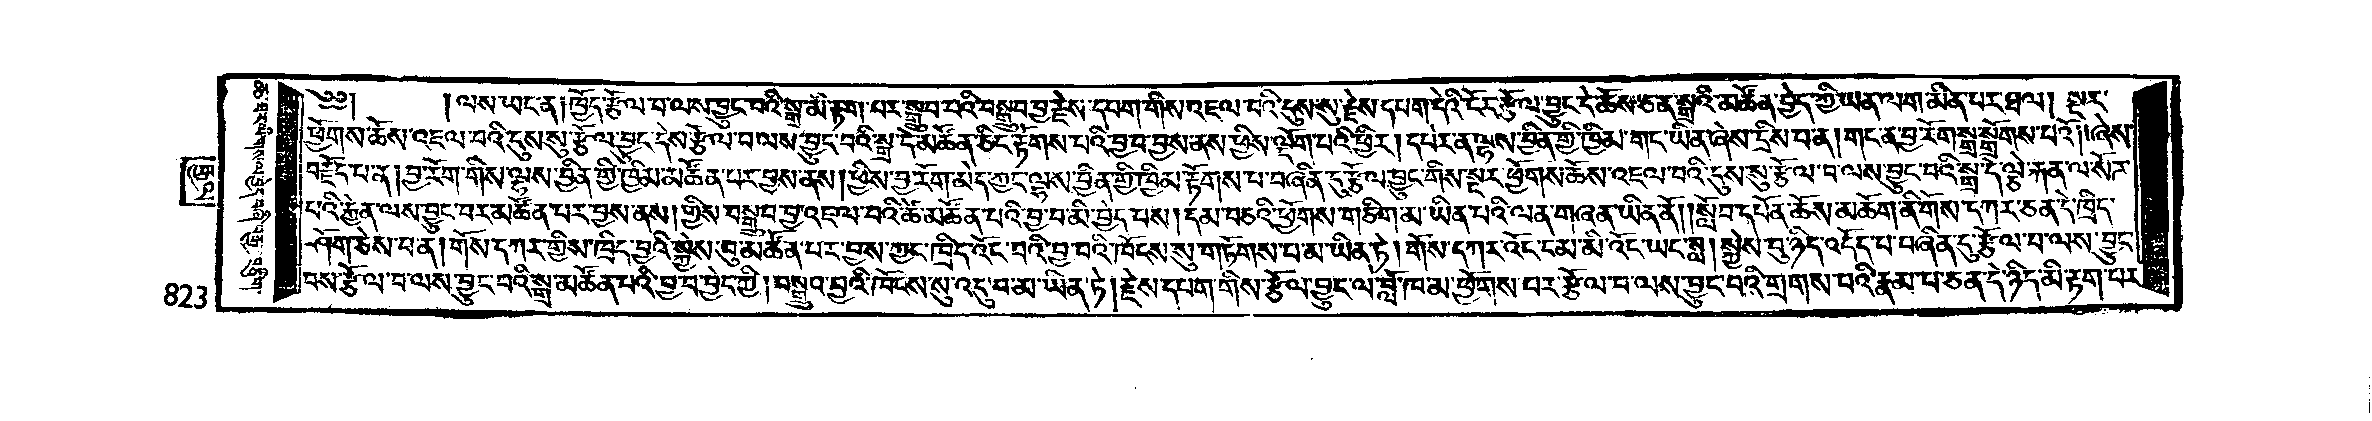༄༅། །ལས་ཡང་ན། ཁྱོད་རྩོལ་བ་ལས་བྱུང་བའི་སྒྲ་མི་རྟག་པར་སྒྲུབ་པའི་བསྒྲུབ་བྱ་རྗེས་དཔག་གིས་འཇལ་བའི་དུས་སུ་རྗེས་དཔག་དེའི་ངོར་རྩོལ་བྱུང་དེ་ཆོས་ཅན་སྒྲའི་མཚོན་བྱེད་ཀྱི་ཡན་ལག་མིན་པར་ཐལ། སྔར་
ཕྱོགས་ཆོས་འཇལ་བའི་དུས་སུ་རྩོལ་བྱུང་དེས་རྩོལ་བ་ལས་བྱུང་བའི་སྒྲ་དེ་མཚོན་ཅིང་རྟོགས་པའི་བྱ་བ་བྱས་ནས་ཕྱིས་ལྡོག་པའི་ཕྱིར། དཔེར་ན་ལྷས་བྱིན་གྱི་ཁྱིམ་གང་ཡིན་ཞེས་དྲིས་པ་ན། གང་ན་བྱ་རོག་སྒྲ་སྒྲོགས་པའོ། །ཞེས་
བརྗོད་པ་ན། བྱ་རོག་གིས་ལྷས་བྱིན་གྱི་ཁྱིམ་མཚོན་པར་བྱས་ནས། ཕྱིས་བྱ་རོག་མེད་ཀྱང་ལྷས་བྱིན་གྱི་ཁྱིམ་རྟོགས་པ་བཞིན་དུ་རྩོལ་བྱུང་གིས་སྔར་ཕྱོགས་ཆོས་འཇལ་བའི་དུས་སུ་རྩོལ་བ་ལས་བྱུང་བའི་སྒྲ་དེ་ལྕེ་རྐན་ལ་སོགས་
པའི་རྐྱེན་ལས་བྱུང་བར་མཚོན་པར་བྱས་ནས། གྱིས་བསྒྲུབ་བྱ་འཇལ་བའི་ཚེ་མཚོན་པའི་བྱ་བ་མི་བྱེད་པས། དམ་བཅའི་ཕྱོགས་གཅིག་མ་ཡིན་པའི་ལན་གཞན་ཡིན་ནོ། །སློབ་དཔོན་ཆོས་མཆོག་ནི་གོས་དཀར་ཅན་དེ་ཁྲིད་
ཤོག་ཅེས་པ་ན། གོས་དཀར་གྱིས་ཁྲིད་བྱའི་སྐྱེས་བུ་མཚོན་པར་བྱས་ཀྱང་ཁྲིད་འོང་བའི་བྱ་བའི་ཁོངས་སུ་གཏོགས་པ་མ་ཡིན་ཏེ། གོས་དཀར་འོང་ངམ་མི་འོང་ཡང་སླ། སྐྱེས་བུ་ཉིད་འདོད་པ་བཞིན་དུ་རྩོལ་པ་ལས་བྱུང་
བས་རྩོལ་བ་ལས་བྱུང་བའི་སྒྲ་མཚོན་པའི་བྱ་བ་བྱེད་ཀྱི། བསྒྲུབ་བྱའི་ཁོངས་སུ་འདུ་བ་མ་ཡིན་ཏེ། རྗེས་དཔག་གིས་རྩོལ་བྱུང་ལ་བློ་ཁ་མ་ཕྱོགས་པར་རྩོལ་བ་ལས་བྱུང་བའི་གྲགས་པའི་རྣམ་པ་ཅན་དེ་ཉིད་མི་རྟག་པར་